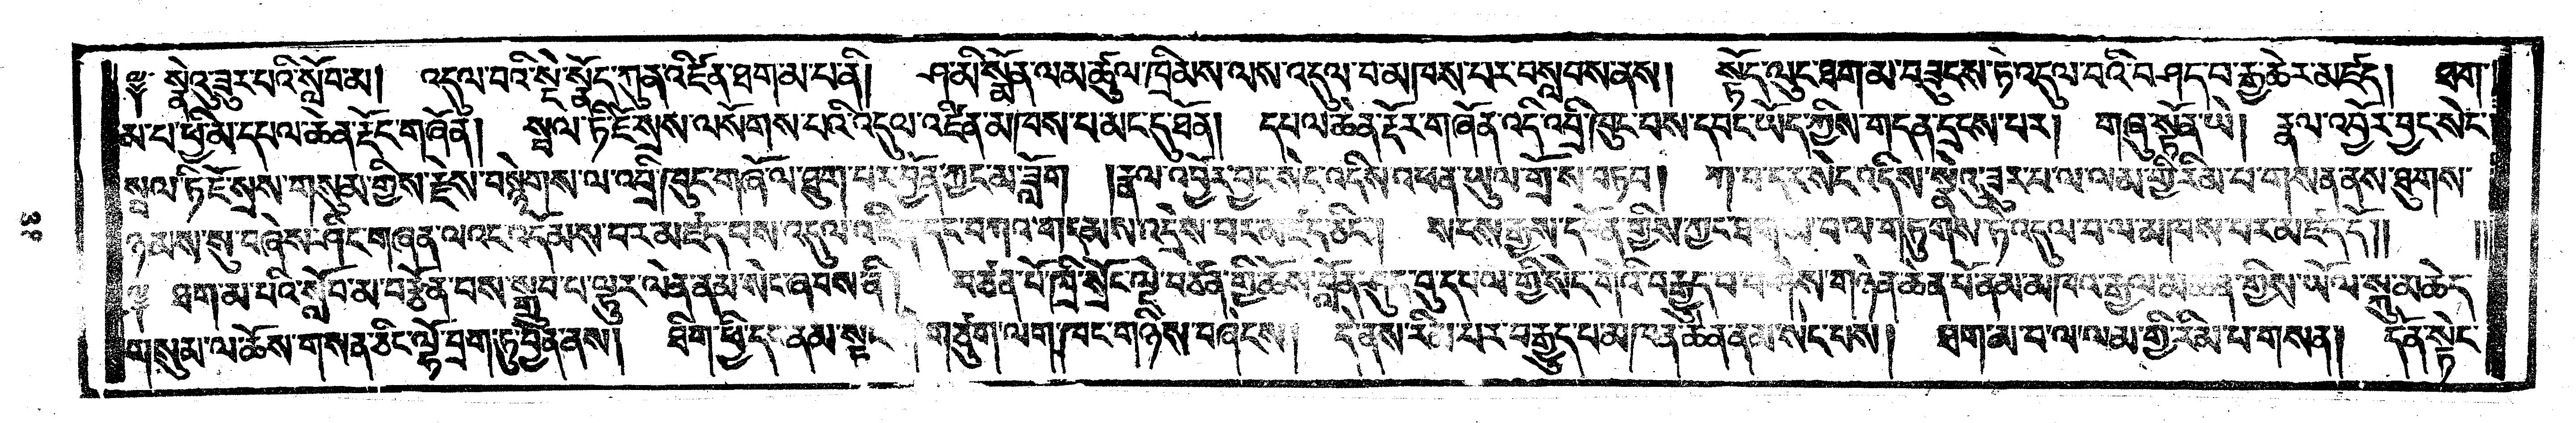༈ སྣེའུ་ཟུར་པའི་སློབ་མ། འདུལ་བའི་སྡེ་སྣོད་ཀུན་འཛིན་ཐག་མ་པ་ནི། ཤ་མི་སྨོན་ལམ་ཚུལ་ཁྲིམས་ལས་འདུལ་བ་མཁས་པར་བསླབས་ནས། སྟོད་ལུང་ཐག་མ་བཟུངས་ཏེ་འདུལ་བའི་བཤད་པ་རྒྱ་ཆེར་མཛད། ཐག་
མ་པ་ཕྱི་མ་དཔལ་ཆེན་རྡོང་གཞོན། སྤལ་ཏི་ཇོ་སྲས་ལ་སོགས་པའི་འདུལ་འཛིན་མཁས་པ་མང་དུ་ཐོན། དཔལ་ཆེན་རྡོར་གཞོན་འདི་འབྲི་ཁུང་བས་དབང་ཡོད་ཀྱིས་གདན་དྲངས་པར། གཞུ་སྟོན་ཡེ། རྣལ་འབྱོར་བྱང་སེང་
སྤལ་ཏི་ཇོ་སྲས་གསུམ་གྱིས་རྗེས་བསྙེགས་ལ་འབྲི་ཁུང་གཞོ་ལ་ཐུག་པར་བྱོན་ཀྱང་མ་ཟློག །རྣལ་འབྱོར་བྱང་སེང་འདིས་འཕན་ཡུལ་གྲོ་ས་བཏབ། ཀ་བ་དར་སེང་འདིས་སྣེའུ་ཟུར་བ་ལ་ལམ་གྱི་རིམ་པ་གསན་ནས་ཐུགས་
ཉམས་སུ་བཞེས་ཤིང་གཞན་ལའང་འདོམས་པར་མཛད་པས་འདུལ་འཛིན་དང་བཀའ་གདམས་འདྲེས་པར་མཛད་ཅིང་། སངས་རྒྱས་དབོན་གྱིས་ཀྱང་ཐག་མ་བ་ལ་གཏུགས་ཏེ་འདུལ་བ་ལ་མཁས་པར་མཛད་དོ།། །།
༈ ཐག་མ་པའི་སློབ་མ་བརྩོན་པས་སྒྲུབ་པ་ལྷུར་ལེན་ནམ་སེང་ཞབས་ནི། བཙན་པོ་ཁྲི་སྲོང་ལྡེ་བཙན་གྱི་ཆོས་བློན་ཤུད་བུ་དཔལ་གྱི་སེང་གེའི་བརྒྱུད་པ་བཤེས་གཉེན་ཆེན་པོ་ནམ་མཁའ་རྒྱལ་མཚན་གྱིས་ཡོལ་སྐུ་མཆེད་
གསུམ་ལ་ཆོས་གསན་ཅིང་ལྷོ་བྲག་ཏུ་བྱིན་ནས། ཐིག་ཕྱི་དང་ནམ་སྟེང་གི་གཙུག་ལག་ཁང་གཉིས་བཞེངས། དེ་ནས་རིམ་པར་བརྒྱུད་པ་མཁན་ཆེན་ནམ་སེང་པས། ཐག་མ་བ་ལ་ལམ་གྱི་རིམ་པ་གསན། དོན་སྟེང་